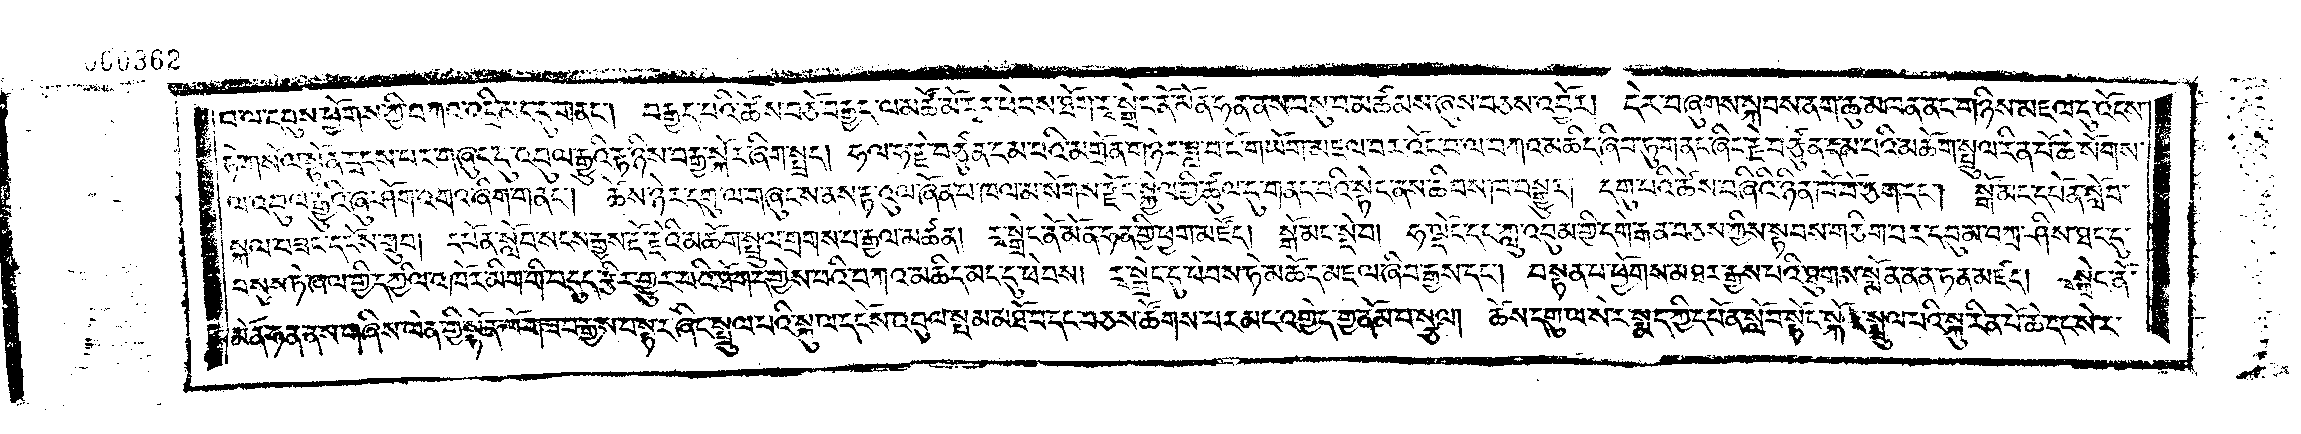བ་ལ་དབུས་ཕྱོགས་ཀྱི་བཀའ་འདྲི་མང་དུ་གནང་། བརྒྱད་པའི་ཚེས་བཅོ་བརྒྱད་ལ་མཚོ་མོ་རྭར་ཕེབས་ཐོག་རྭ་སྒྲེང་ནོ་མོན་ཧན་ནས་བསུ་བ་མཚམས་ཞུས་བཅས་འབྱོར། དེར་བཞུགས་སྐབས་ནག་ཆུ་མཁན་ནག་གཉིས་མཇལ་དུ་འོངས་
ཏེ་གསོལ་སྟོན་དྲངས་པར་གཞུང་དུ་འབུལ་རྒྱུའི་རྟ་ཉིས་བརྒྱ་སྐོར་ཞིག་སྤྲད། ཧལ་ཧ་རྗེ་བཙུན་དམ་པའི་མགྲོན་གཉེར་ཟླ་བ་ངོ་གཡོག་མཇལ་བར་འོང་བ་ལ་བཀའ་མཆིད་ཞིབ་ཏུ་གནང་ཞིང་རྗེ་བཙུན་དམ་པའི་མཆོག་སྤྲུལ་རིན་པོ་ཆེ་སོགས་
ལ་འབུལ་རྒྱུའི་ཞུ་ཤོག་འགའ་ཞིག་གནང་། ཚེས་ཉེར་དགུ་ལ་གཞུང་ནས་རྟ་འུལ་ཞོན་པ་ཁལ་མ་སོགས་རྫོང་སྐྱེལ་གྱི་ཚུལ་དུ་གནང་བའི་སྟེང་ནས་ཆིབས་ཁ་བསྒྱུར། དགུ་པའི་ཚེས་བཞིའི་ཉིན་ཁོ་བོ་ཅག་དང་། སྒོ་མང་དཔོན་སློབ་
སྐལ་བཟང་དངོས་གྲུབ། དཔོན་སློབ་སངས་རྒྱས་རྡོ་རྗེའི་མཆོག་སྤྲུལ་གྲགས་པ་རྒྱལ་མཚན། རྭ་སྒྲེང་ནོ་མོན་ཧན་གྱི་ཕྱག་མཛོད། སྒོ་མང་སྡེ་བ། ཧ་ལྡོང་དང་ཀླུ་འབུམ་གྱི་དགེ་རྒན་བཅས་ཀྱིས་སྟབས་གཅིག་པར་དབུ་མ་བཀྲ་ཤིས་ཐང་དུ་
བསུས་ཏེ་ཞལ་གྱི་དཀྱིལ་འཁོར་མིག་གི་བདུད་རྩིར་གྱུར་བའི་ཐོག་དགྱེས་པའི་བཀའ་མཆིད་མང་དུ་ཕེབས། རྭ་སྒྲེང་དུ་ཕེབས་ཏེ་མཆོད་མཇལ་ཞིབ་རྒྱས་དང་། བསྟན་པ་ཕྱོགས་མཐར་རྒྱས་པའི་ཐུགས་སྨོན་ནན་ཏན་མཛད། རྭ་སྒྲེང་ནོ་
མོན་ཧན་ནས་གཞིས་ལེན་གྱི་སྟོན་མོ་གཟབ་རྒྱས་བསྟར་ཞིང་སྤྲུལ་པའི་སྐུ་ལ་དངོས་འབུལ་སྤམ་མཐོ་བ་དང་བཅས་ཚོགས་པར་མང་འགྱེད་གྱ་ནོམ་པ་སྩལ། ཆོས་དགུ་ལ་སེར་སྨད་ཀྱི་དཔོན་སློབ་སྟོང་སྐོར་སྤྲུལ་པའི་སྐུ་རིན་པོ་ཆེ་དང་སེར་